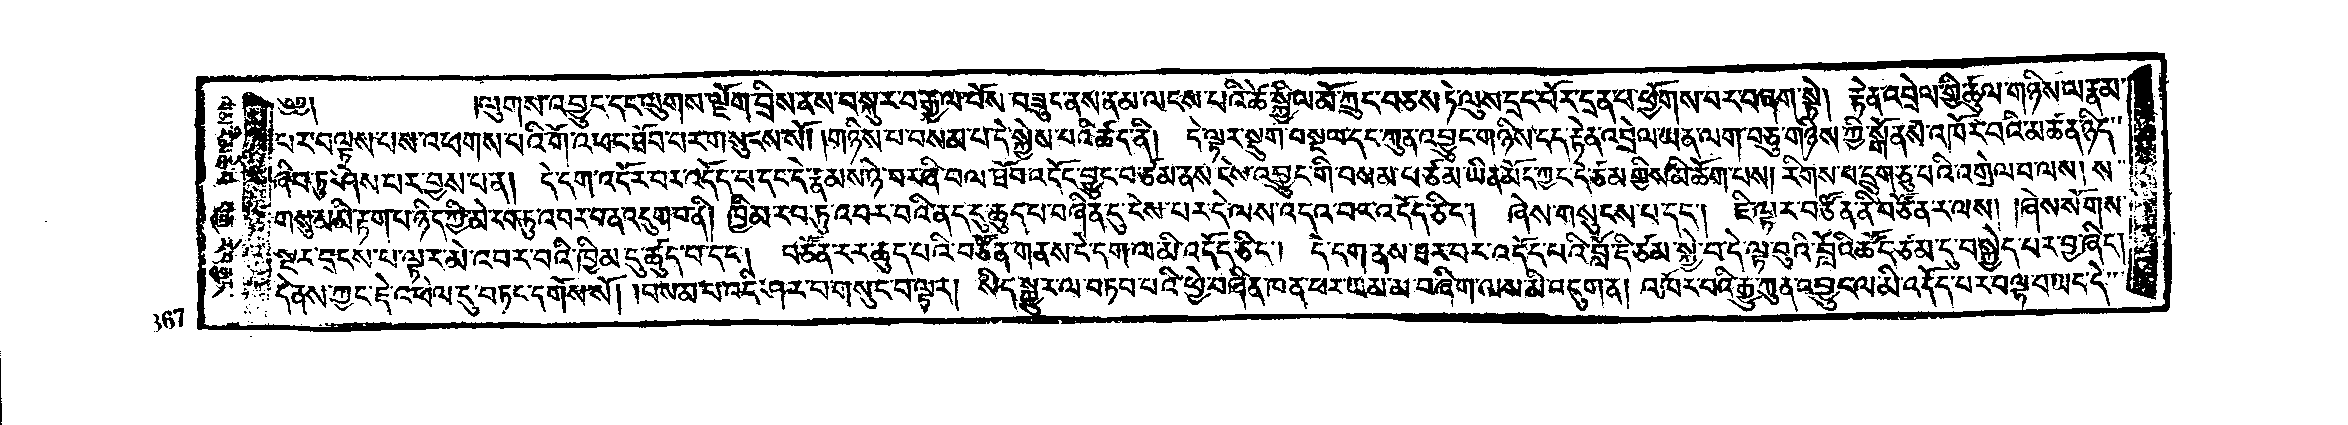༄༅། །ལུགས་འབྱུང་དང་ལུགས་ལྡོག་བྲིས་ནས་བསྐུར་བ་རྒྱལ་པོས་བཟུང་ནས་ནམ་ལངས་པའི་ཚེ་སྐྱིལ་མོ་ཀྲུང་བཅས་ཏེ་ལུས་དྲང་བོར་དྲན་པ་ཕྱོགས་པར་བཞག་སྟེ། རྟེན་འབྲེལ་གྱི་ཚུལ་གཉིས་ལ་རྣམ་
པར་བལྟས་པས་འཕགས་པའི་གོ་འཕང་ཐོབ་པར་གསུངས་སོ། །གཉིས་པ་བསམ་པ་དེ་སྐྱེས་པའི་ཚད་ནི། དེ་ལྟར་སྡུག་བསྔལ་དང་ཀུན་འབྱུང་གཉིས་དང་རྟེན་འབྲེལ་ཡན་ལག་བཅུ་གཉིས་ཀྱི་སྒོ་ནས་འཁོར་བའི་མཚན་ཉིད་
ཞིབ་ཏུ་ཤེས་པར་བྱས་པ་ན། དེ་དག་འདོར་བར་འདོད་པ་དང་དེ་རྣམས་ཉེ་བར་ཞི་བ་ལ་ཐོབ་འདོད་བྱུང་བ་ཙམ་ནས་ངེས་འབྱུང་གི་བསམ་པ་ཙམ་ཡིན་མོད་ཀྱང་དེ་ཙམ་གྱིས་མི་ཆོག་པས། རིགས་པ་དྲུག་ཅུ་པའི་འགྲེལ་པ་ལས། ས་
གསུམ་མི་རྟག་པ་ཉིད་ཀྱི་མེ་རབ་ཏུ་འབར་བ་ན་འདུག་པ་ནི། ཁྱིམ་རབ་ཏུ་འབར་བའི་ནང་དུ་ཆུད་པ་བཞིན་དུ་ངེས་པར་དེ་ལས་འདའ་བར་འདོད་ཅིང་། ཞེས་གསུངས་པ་དང་། ཇི་ལྟར་བཙོན་ནི་བཙོན་ར་ལས། །ཞེས་སོགས་
སྔར་དྲངས་པ་ལྟར་མེ་འབར་བའི་ཁྱིམ་དུ་ཚུད་པ་དང་། བཙོན་རར་ཆུད་པའི་བཙོན་གནས་དེ་དག་ལ་མི་འདོད་ཅིང་། དེ་དག་ནས་ཐར་བར་འདོད་པའི་བློ་ཇི་ཙམ་སྐྱེ་བ་དེ་ལྟ་བུའི་བློའི་ཚོད་ཙམ་དུ་བསྐྱེད་པར་བྱ་ཞིང་།
དེ་ནས་ཀྱང་ཇེ་འཕེལ་དུ་བཏང་དགོས་སོ། །བསམ་པ་འདི་ཤ་ར་བ་གསུང་བ་ལྟར། སིང་སྐྱུར་ལ་བཏབ་པའི་ཕྱེ་བཞིན་ཁ་ན་ཕར་ཡམ་མེ་བ་ཞིག་ལས་མི་འདུག་ན། འཁོར་བའི་རྒྱུ་ཀུན་འབྱུང་ལ་མི་འདོད་པར་བལྟ་བ་ཡང་དེ་